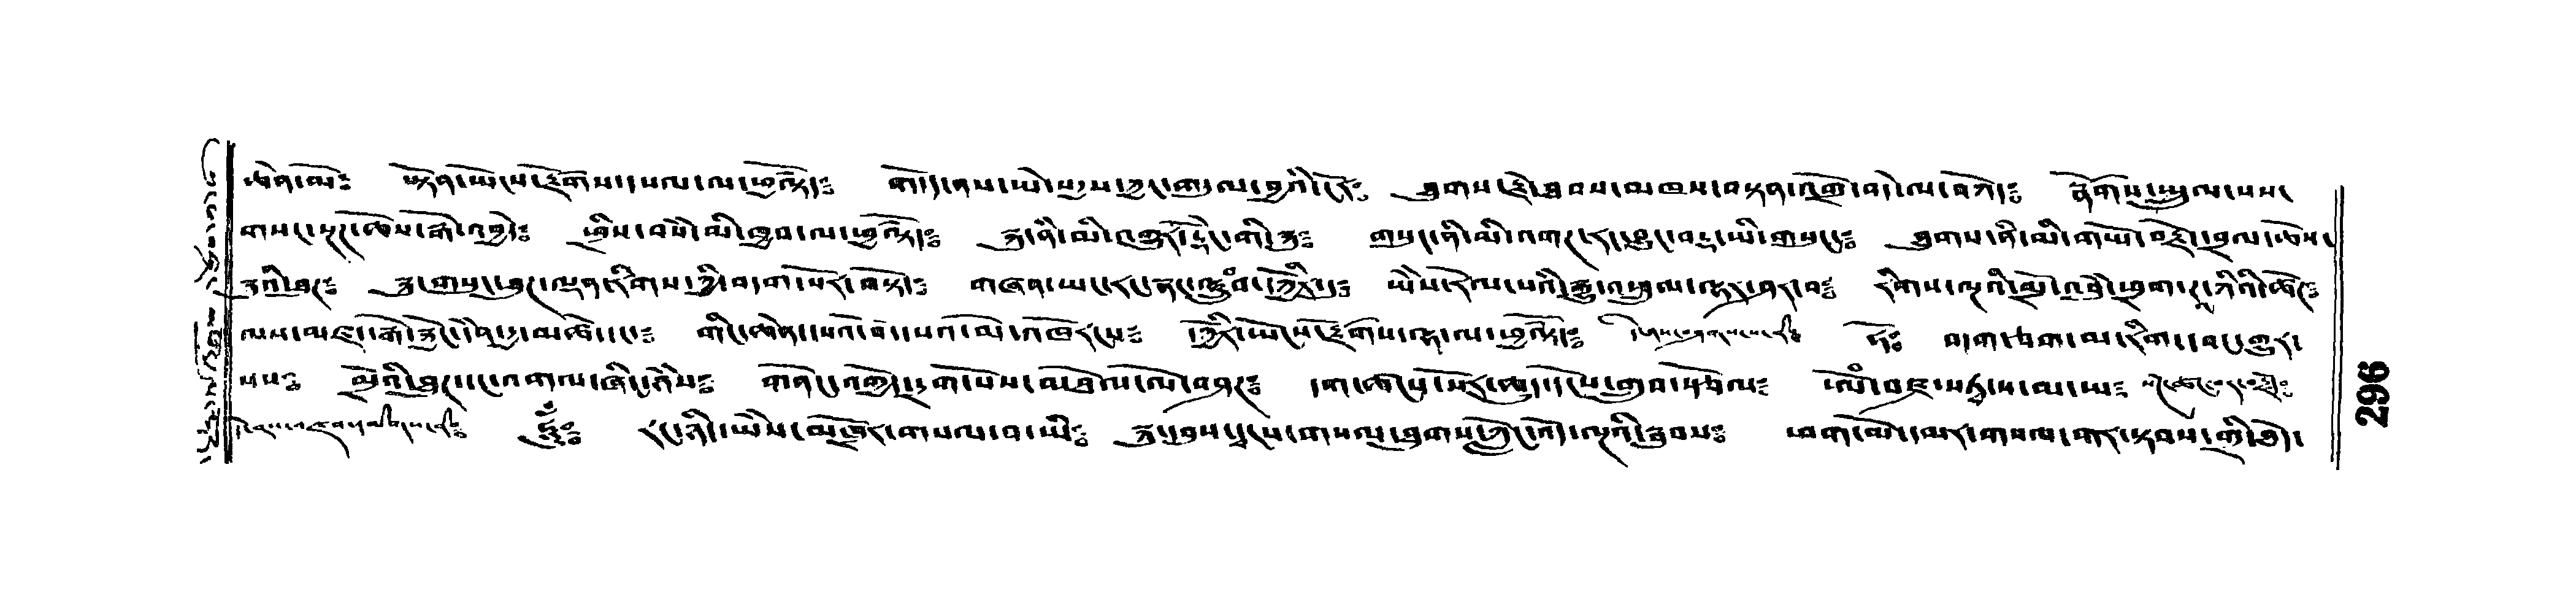ཆེན་མོ༔ ཡོན་ཏན་ཡོངས་རྫོགས་དཔལ་ལ་ཕྱག་འཚལ་བསྟོད༔ གདོད་ནས་ཡེ་སངས་རྒྱས་ཀྱང་གདུལ་བྱའི་ངོར༔ ཐུགས་རྗེ་ཐབས་མཁས་བསྟན་འགྲོ་བདེ་ལ་བཀོད༔ སྣ་ཚོགས་སྤྲུལ་པས་
གསང་སྔགས་ཆོས་སྒོ་འབྱེད༔ ཕྲིན་ལས་བསམ་མི་ཁྱབ་ལ་ཕྱག་འཚལ་བསྟོད༔ སྐུ་ནི་མི་འགྱུར་རྡོ་རྗེ་འཆང་གི་སྐུ༔ གསུང་ནི་མི་འགགས་རང་བྱུང་བརྡ་ཡི་གསུང༔ ཐུགས་ནི་མི་གཡོ་བརྗོད་བྲལ་ཆོས་
སྐུའི་ཐུགས༔ སྐུ་གསུང་ཐུགས་ལྡན་རིགས་ཀྱི་བདག་པོར་བསྟོད༔ གཞན་ཡང་རང་སྣང་ལྷུན་གྲུབ་དཀྱིལ་འཁོར་དུ༔ ཡེ་ཤེས་རོལ་པའི་སྒྱུ་འཕྲུལ་ལྷར་ཤར་བ༔ རིགས་ལྔའི་མཁའ་འགྲོ་འབུམ་ཕྲག་ཌཱ་ཀིའི་ཚོགས༔ 
ལས་མཛད་སྒོ་སྐྱོང་དམ་ཅན་རྒྱ་མཚོ་དང༔ གིང་ཆེན་དཔའ་བོ་དཔའ་མོ་འཁོར་དང་བཅས༔ དཀྱིལ་འཁོར་ཡོངས་རྫོགས་ལྷ་ལ་ཕྱག་འཚལ་བསྟོད༔ དེ་ནས་བཤགས་པ་ནི༔ ཧོཿ བདག་ཅག་མ་རིག་དབང་གྱུར་
པས༔ མཁའ་འགྲོའི་ཐུགས་དང་འགལ་ཞིང་ཉམས༔ གནོང་འགྱོད་དྲག་པོས་མཐོལ་ལོ་བཤགས༔ དག་ཚངས་སོར་ཆུད་དངོས་གྲུབ་སྩོལ༔ ཨོཾ་བཛྲ་སཏྭ་ས་མ་ཡ་སོགས་ཚང་བར་བརྗོད༔ 
དེ་ནས་འཛབ་དམིགས་ནི༔ ཧཱུྃ༔ རང་ཉིད་ཡེ་ཤེས་མཁའ་འགྲོར་གསལ་བ་ཡི༔ སྐུ་དབུས་དྭངས་གསལ་ཐུགས་ཀློང་འོད་ལྔའི་སྦུབས༔ ཕག་མོ་དམར་གསལ་གར་སྟབས་གྲི་ཐོད་